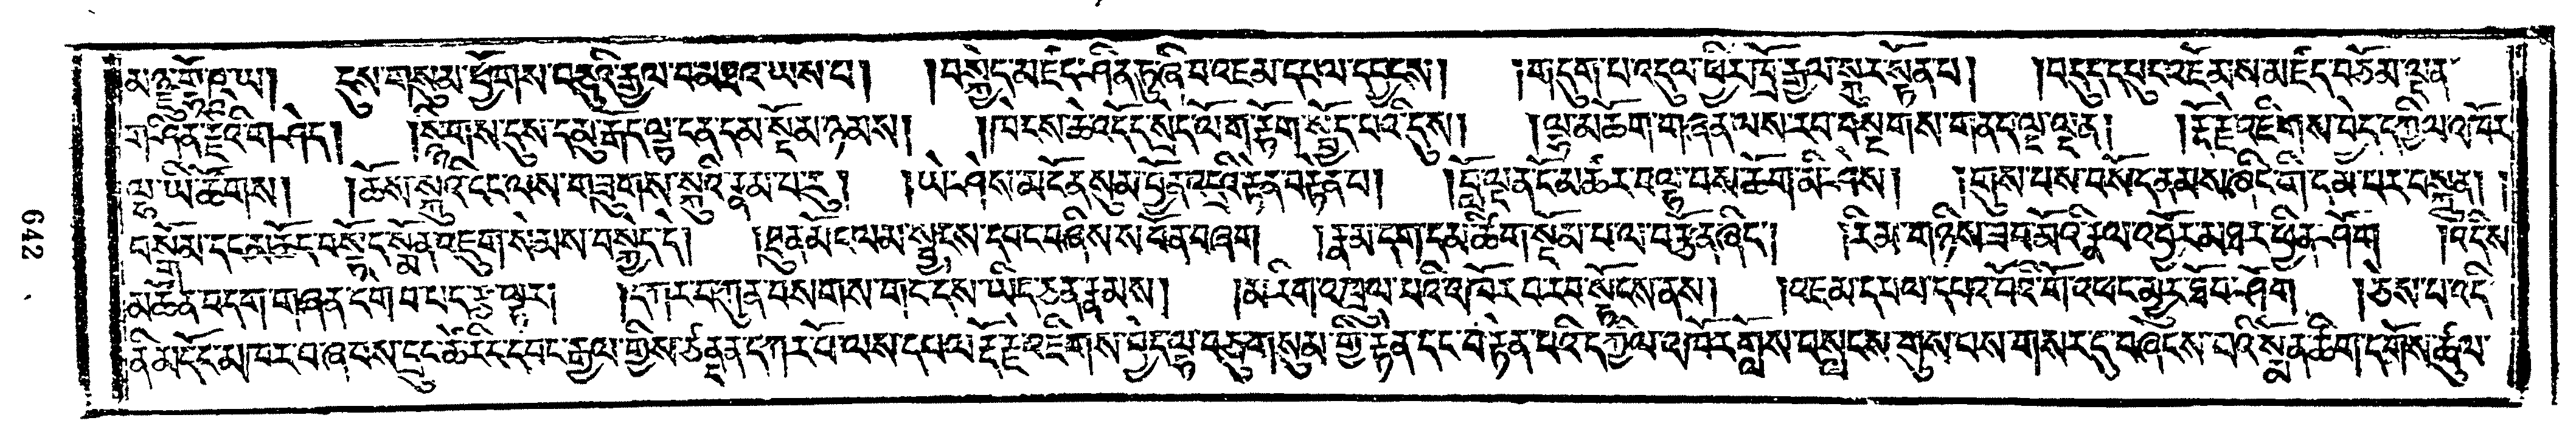མཉྫུ་གྷོ་ཥཱ་ཡ། དུས་གསུམ་ཕྱོགས་བཅུའི་རྒྱལ་བ་མཐའ་ཡས་པ། །བསྐྱེད་མཛད་ཤིན་ཏུ་ཞི་བ་འཇམ་དཔལ་དབྱངས། །གདུག་པ་འདུལ་ཕྱིར་ཁྲོ་རྒྱལ་སྐུར་སྟོན་པ། །བདུད་དཔུང་འཇོམས་མཛད་བཅོམ་ལྡན་
གཤིན་རྗེའི་གཤེད། །སྙིགས་དུས་དམུ་རྒོད་ལྟ་ངན་དམ་སྡོམ་ཉམས། །ཁེངས་ཆེ་འདོད་སྲེད་ལོག་རྟོག་སྤྱོད་པའི་དུས། །ལྷ་མཆོག་གཞན་ལས་རབ་བསྔགས་གནད་ལྔ་ལྡན། །རྡོ་རྗེ་འཇིགས་བྱེད་དཀྱིལ་འཁོར་
ལྷ་ཡི་ཚོགས། །ཆོས་སྐུའི་ངང་ལས་གཟུགས་སྐུའི་རྣམ་པ་རུ། །ཡེ་ཤེས་མངོན་སུམ་བྱོན་འདྲའི་རྟེན་བརྟེན་པ། །བློ་ལྡན་ངོ་མཚར་བལྟ་བས་ཆོག་མི་ཤེས། །གུས་པས་བསོད་ནམས་ཞིང་གི་དམ་པར་བསྐྲུན། །
བསྒོམ་དང་མཆོད་བསྟོད་སྨོན་འཇུག་སེམས་བསྐྱེད་དེ། །ཐུན་མོང་ལམ་སྦྱངས་དབང་བཞིས་ས་བོན་བཞག །རྣམ་དག་དམ་ཚིག་སྡོམ་པ་ལ་བརྩོན་ཞིང་། །རིམ་གཉིས་ཟབ་མོའི་རྣལ་འབྱོར་མཐར་ཕྱིན་ཤོག །འདིས་
མཚོན་བདག་གཞན་དགེ་བ་བད་རྩ་ལྟར། །དཀར་བ་ཀུན་བསགས་གང་དེས་ཡིད་ཅན་རྣམས། །མ་རིག་འཁྲུལ་པའི་འཁོར་བ་རབ་སྟོངས་ནས། །འཇམ་དཔལ་དཔའ་བོའི་གོ་འཕང་མྱུར་ཐོབ་ཤོག །ཅེས་པ་འདི་
ནི་མདོང་མཁར་བ་ཞབས་དྲུང་ཚེ་རིང་དབང་རྒྱལ་གྱིས་ཙནྡན་དཀར་པོ་ལས་དཔལ་རྡོ་རྗེ་འཇིགས་བྱེད་ལྷ་བཅུ་གསུམ་གྱི་རྟེན་དང་བརྟེན་པའི་དཀྱིལ་འཁོར་གློས་བསླངས་གུས་པས་གསར་དུ་བཞེངས་པའི་སྨོན་ཚིག་དགོས་ཚུལ་